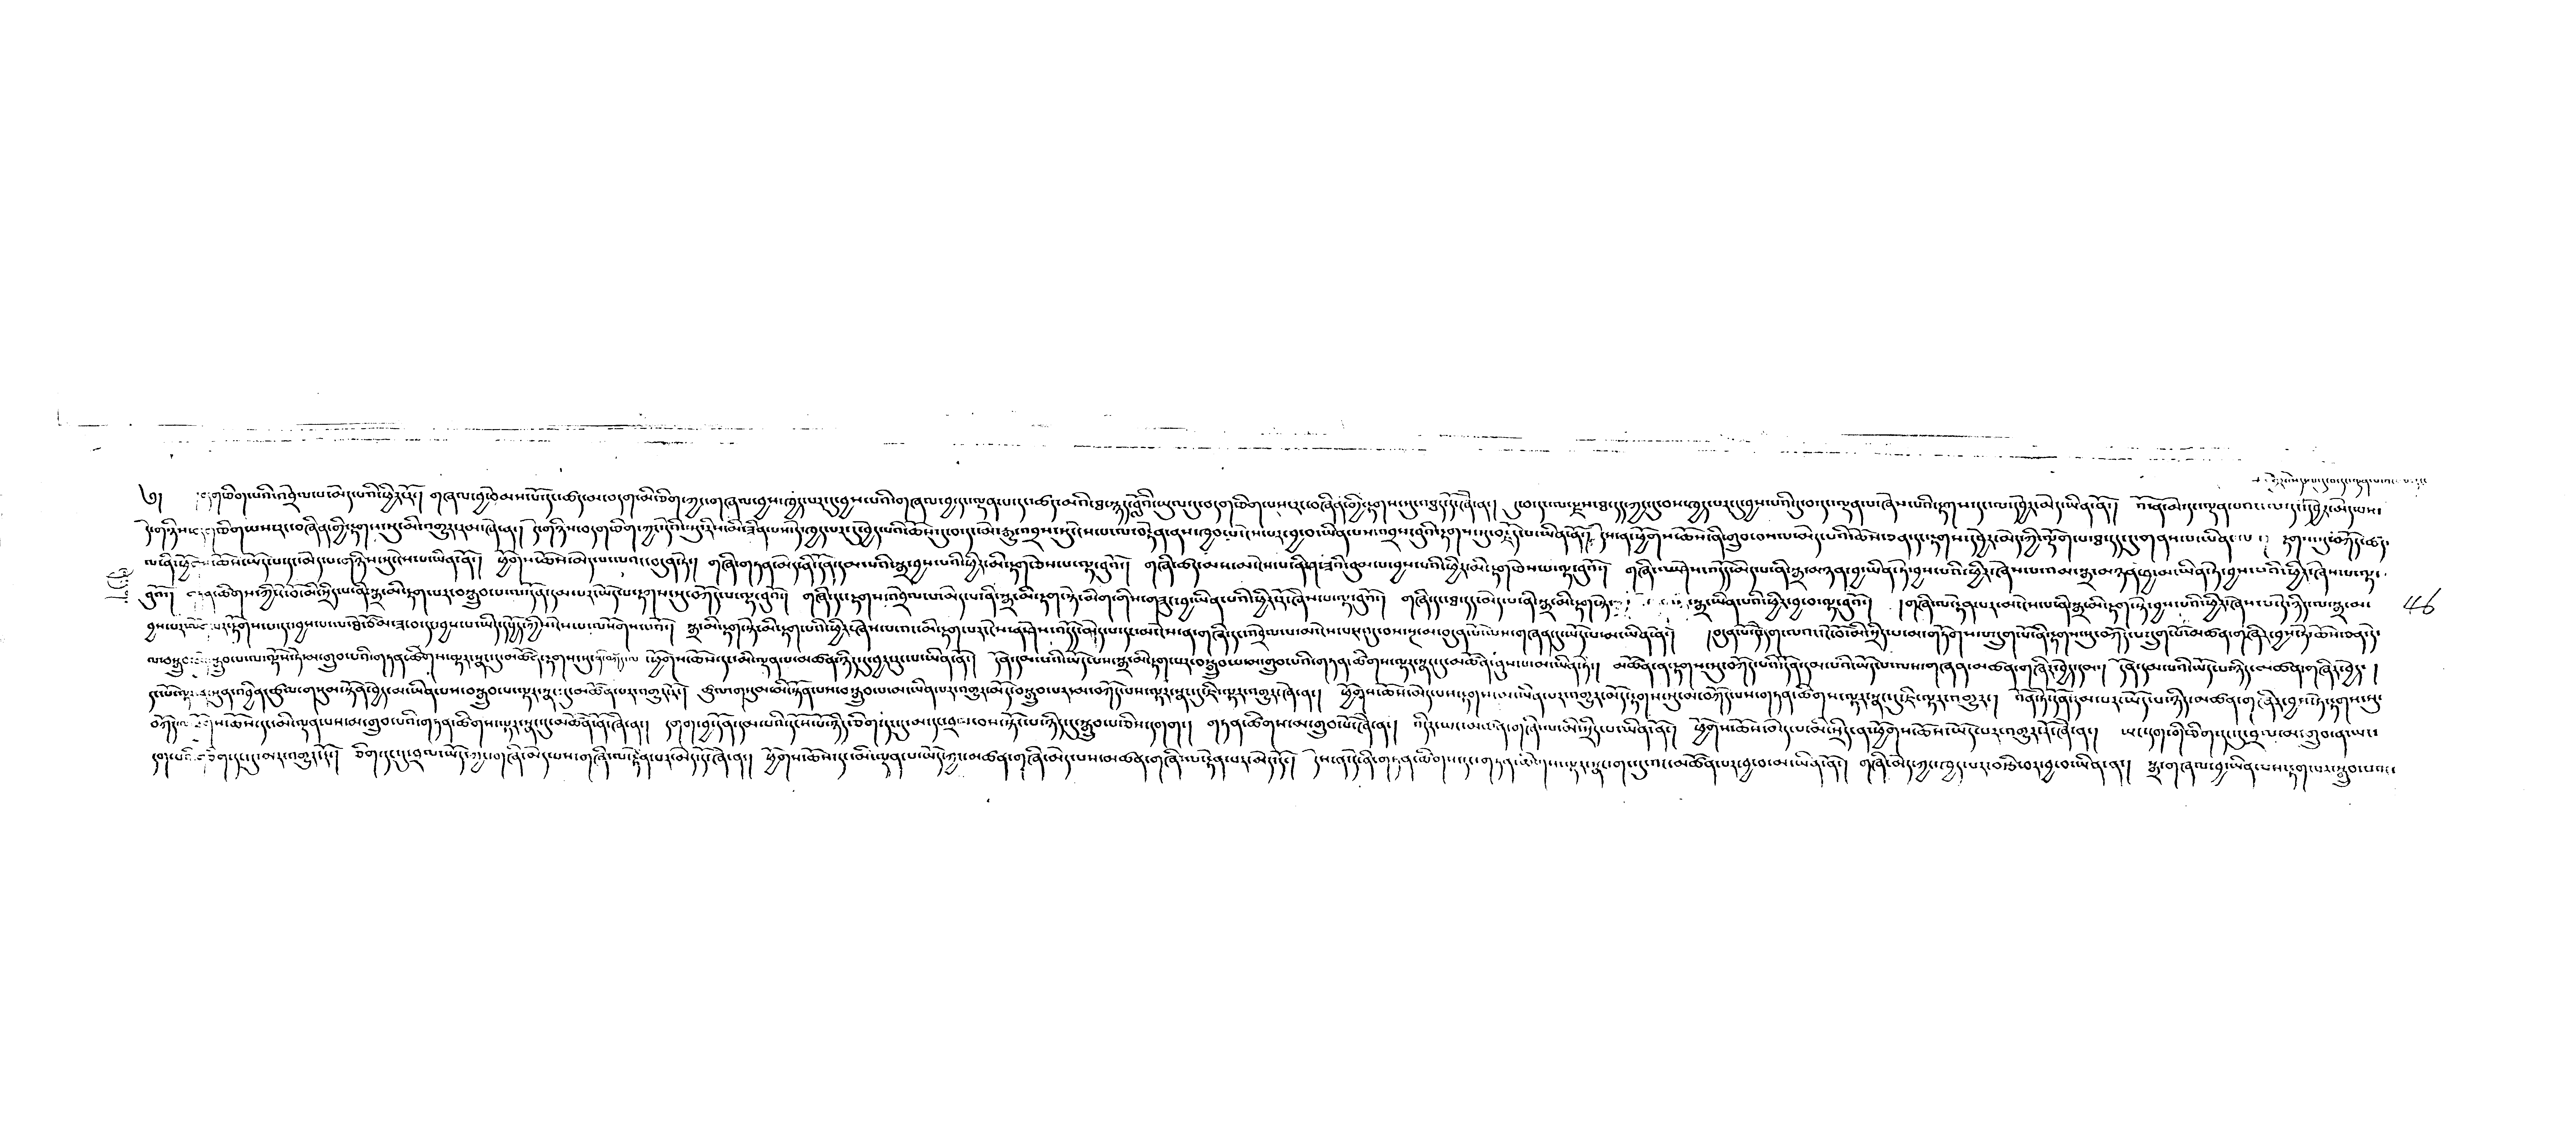༄༅། །བདག་ཅིག་པའི་འབྲེལ་པ་མེད་པའི་ཕྱིར་རོ། གཞལ་བྱ་བེམས་པོ་དང་ཚད་མ་བདག་མི་ཅིག་ཀྱང་གཞལ་བྱས་ཁྱད་པར་དུ་བྱས་པའི་གཞལ་བྱ་དང་ལྡན་པ་དང་ཚད་མའི་ཐ་སྙད་བློའི་ཡུལ་དུ་བདག་ཅིག་པས་རང་བཞིན་གྱི་རྟགས་སུ་འཐད་དོ་ཞེ་ན། དུ་བ་དང་ལ་རྫས་ཐ་དད་ཀྱང་དུ་བས་ཁྱད་པར་དུ་བྱས་པའི་དུ་བ་དང་ལྡན་པ་ཞེས་པའི་རྟགས་དང་ལ་དབྱེར་མེད་ཡིན་ནོ། འོ་ན་མ་དང་ལྡན་པའང་ལ་དང་དབྱེར་མེད་པས་
དེ་གཉིས་བདག་ཅིག་པས་རང་བཞིན་གྱི་རྟགས་སུ་མི་འགྱུར་རམ་ཞེ་ན། དེ་གཉིས་བདག་ཅིག་ཀྱང་དེའི་སུ་རིས་མི་ཟིན་པས་དེ་ཁྱད་པར་དུ་བྱེད་པའི་ཆོས་དུ་བ་དང་མེ་རྒྱུ་འབྲས་སུ་ངེས་པ་ལ་བརྟེན་ནས་ཁྱབ་པ་ངེས་པར་བྱ་བ་ཡིན་པས་འབྲས་བུའི་རྟགས་སུ་བརྗོད་པ་ཡིན་ནོ། དེས་ན་ཕྱོགས་ཆོས་ནི་གྲུབ་བསལ་མེད་པའི་ཆོས་ཅན་དང་རྟགས་དབྱེར་མེད་ཀྱི་ལྡོག་པ་ཐ་དད་དུ་གནས་པ་ཡིན་པ། རྟགས་སུ་བཀོད་ཚད་
ལ་ནི་ཕྱོགས་ཆོས་ཡོད་པ་དང་མེད་པ་གཉིས་སུ་ངེས་པ་ཡིན་ནོ། ཕྱོགས་ཆོས་མེད་པ་ལའང་བདུན་ཏེ། གཞི་གཏན་མེད་ནི་དོན་དམ་པའི་སྒྲ་བྱས་པའི་ཕྱིར་མི་རྟག་ཅེས་པ་ལྟ་བུའོ། གཞི་ཚད་མས་མ་ངེས་པ་ནི་ན་ཟའི་ནུབ་པ་བྱས་པའི་ཕྱིར་མི་རྟག་ཅེས་པ་ལྟ་བུའོ། གཞི་ལ་ཤེས་འདོད་མེད་པ་ནི་སྒྲ་བསྟན་བྱ་ཡིན་ཏེ་བྱས་པའི་ཕྱིར་ཞེས་པ་འམ་སྒྲ་མཉན་བྱ་མ་ཡིན་ཏེ་བྱས་པའི་ཕྱིར་ཞེས་པ་ལྟ་
བུའོ། གཏན་ཚིགས་ཀྱི་ངོ་བོ་མི་སྲིད་པ་ནི་སྒྲ་མི་རྟག་པར་བསྒྲུབ་པ་ལ་དོན་དམ་པར་ཡོད་པ་རྟགས་སུ་བཀོད་པ་ལྟ་བུའོ། གཞི་དང་རྟགས་བྲེལ་པ་མེད་པ་ནི་སྒྲ་མི་རྟག་སྟེ་མིག་གིས་གཟུང་བྱ་ཡིན་པའི་ཕྱིར་རོ་ཞེས་པ་ལྟ་བུའོ། གཞི་དང་ཐ་དད་མེད་པ་ནི་སྒྲ་མི་རྟག་སྟེ། སྒྲ་ཡིན་པའི་ཕྱིར་བྱ་བ་ལྟ་བུའོ། །གཞི་ལ་རྟེན་པར་མ་ངེས་པ་ནི་སྒྲ་མི་རྟག་ཏེ་བྱས་པའི་ཕྱིར་ཞེས་པ་དེ་ཉིད་ལ་སྒྲ་མ་
བྱས་པར་ལོག་པར་རྟོགས་པ་དང་བྱས་པ་ལ་ཐེ་ཙོམ་ཟ་བ་དང་བྱས་པ་ཡིད་དཔྱོད་ཀྱིས་ངེས་པ་ལ་སོགས་པའོ། སྒྲ་མི་རྟག་སྟེ་མི་རྟག་པའི་ཕྱིར་ཞེས་པ་འང་མི་རྟག་པར་ངེས་ན་ཤེས་འདོད་མེད་པ་དང་མ་ངེས་ན་གཞི་དང་འབྲེལ་པ་མ་ངེས་པས་འདུ་བས་སྔ་མ་བདུན་པོ་ལས་གཞན་དུ་ཡོད་པ་མ་ཡིན་ནོ། །བདུན་པོ་དེ་དག་ལའང་ངོ་བོ་མི་སྲིད་པ་མ་གཏོགས་པ་དྲུག་པོ་ནི་རྟགས་སུ་བཀོད་པ་དྲུག་པོ་མཚན་གཞིར་བྱས་ཏེ་ཆོས་ཅན་དེ་
ལ་བསྒྲུབ་བྱེད་སྒྲུབ་པ་ལ་ལྟོས་ཏེ་མ་གྲུབ་པའི་གཏན་ཚིགས་ལྟར་སྣང་དུ་མཚོན་རྟགས་སུ་ནི་བཀོད་ལ་ཕྱོགས་ཆོས་དང་མི་ལྡན་པ་མཚན་ཉིད་དུ་བྱར་རུང་པ་ཡིན་ནོ། དོན་དམ་པའི་ཡོད་པས་སྒྲ་མི་རྟག་པར་བསྒྲུབ་པ་མ་གྲུབ་པའི་གཏན་ཚིགས་ལྟར་སྣང་དུ་མཚོན་ནུས་པ་མ་ཡིན་ཏེ། མཚོན་ན་རྟགས་སུ་བཀོད་པའི་དོན་དམ་པའི་ཡོད་པ་ལས་གཞན་མཚན་གཞི་བྱེད་དམ། དོན་དམ་པའི་ཡོད་པ་ཉིད་མཚན་གཞིར་བྱེད།
དང་པོ་ལྟ་ན་སུན་འབྱིན་ཚུལ་གསུམ་སྟོན་བྱེད་མ་ཡིན་པས་བསྒྲུབ་པ་ལྟར་སྣང་དུ་མཚོན་པར་འགྱུར་རོ། ཚུལ་གསུམ་མི་སྟོན་པས་བསྒྲུབ་པ་མ་ཡིན་པར་འགྱུར་མོད་བསྒྲུབ་པར་མ་བཀོད་པས་ལྟར་སྣང་དུ་ཇི་ལྟར་འགྱུར་ཞེ་ན། ཕྱོགས་ཆོས་མེད་པས་རྟགས་མ་ཡིན་པར་འགྱུར་མོད་རྟགས་སུ་མ་བཀོད་པས་གཏན་ཚིགས་ལྟར་སྣང་དུ་ཇི་ལྟར་འགྱུར། འོན་ཏེ་དོན་དམ་པར་ཡོད་པ་ཉིད་མཚན་གཞིར་བྱས་ཏེ་རྟགས་སུ་
བཀོད་ལ་ཕྱོགས་ཆོས་དང་མི་ལྡན་པས་མ་གྲུབ་པའི་གཏན་ཚིགས་ལྟར་སྣང་དུ་མཚོན་ནོ་ཞེ་ན། དགག་བྱ་དོན་དམ་པའི་དངོས་པོ་ཉིད་ཅིག་དང་དུ་མ་དང་བྲལ་བས་སྟོང་པ་ཉིད་དུ་སྒྲུབ་པ་ཅིས་དགག། གཏན་ཚིགས་མ་གྲུབ་པོ་ཞེ་ན། འདིར་ཡང་མ་ཡིན་གཞི་ལ་མི་སྲིད་པ་ཡིན་ནོ། ཕྱོགས་ཆོས་མེད་པ་མི་སྲིད་ན་ཕྱོགས་ཆོས་ཡོད་པར་འགྱུར་རོ་ཞེ་ན། ཡང་དག་གི་ཅིག་དང་དུ་བྲལ་མ་གྲུབ་ན་ཡང་
དག་པའི་གཅིག་དང་དུ་བར་འགྱུར་རོ། ཅིག་དང་དུ་བྲལ་ཡོད་ཀྱང་གཞི་མེད་པས་གཞི་ལ་རྟེན་པར་མེད་དོ་ཞེ་ན། ཕྱོགས་ཆོས་དང་མི་ལྡན་པ་ཡོད་ཀྱང་མཚན་གཞི་མེད་པས་མཚན་གཞི་ལ་རྟེན་པར་མེད་དོ། དེས་ན་དེ་ནི་གཏན་ཚིགས་དང་གཏན་ཚིགས་ལྟར་སྣང་བང་དུ་འང་མཚོན་པར་བྱ་བ་མ་ཡིན་ནོ། གཞི་མེད་ཀྱང་ཁྱད་པར་བཙི་བར་བྱ་བ་ཡིན་ན། སྒྲ་གཞལ་བྱ་ཡིན་པས་རྟག་པར་སྒྲུབ་པའང་